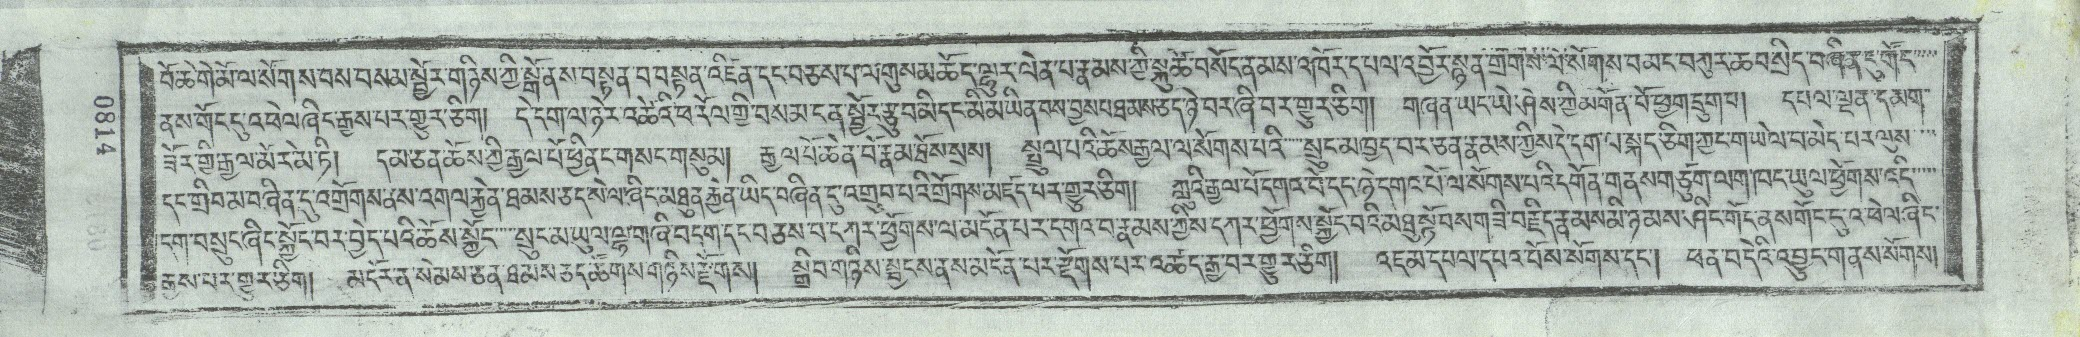པོ་ཆེ་གེ་མོ་ལ་སོགས་བས་བསམ་སྦྱོར་གཉིས་ཀྱི་སྒོ་ནས་བསྟན་བ་བསྟན་འཛིན་དང་བཅས་པ་ལ་གུས་མཆོད་ལྷུར་ལེན་པ་རྣམས་ཀྱི་སྐུ་ཚེ་བསོད་ནམས་འཁོར་དཔལ་འབྱོར་སྙན་གྲགས་ལ་སོགས་བ་མང་བཀུར་ཆ་བསྲིད་བཞིན་དུ་གོང་
ནས་གོང་དུ་འཕེལ་ཞིང་རྒྱས་པར་གྱུར་ཅིག །དེ་དག་ལ་ཉེར་འཚེའི་ཕ་རོལ་གྱི་བསམ་ངན་སྦྱོར་རྩུབ་མིན་དང་མི་མ་ཡིན་པས་བྱས་པ་ཐམས་ཅད་ཉེ་བར་ཞི་བར་གྱུར་ཅིག །གཞན་ཡང་ཡེ་ཤེས་ཀྱི་མགོན་པོ་ཕྱག་དྲུག་པ། དཔལ་ལྡན་དམ་
ཟོར་གྱི་རྒྱལ་མོར་མེ་ཏི། དམ་ཅན་ཆོས་ཀྱི་རྒྱལ་པོ་ཕྱི་ནང་གསང་གསུམ། རྒྱལ་པོ་ཆེན་པོ་རྣམ་བྲོས་སྲས། སྤྲུལ་བའི་ཆོས་རྒྱལ་ལ་སོགས་པའི་སྲུང་མཁྱད་པར་ཅན་རྣམས་ཀྱིས་དེ་དག་ལ་སྐད་ཅིག་ཀྱང་གཡེལ་བ་མེད་པར་ལུས་
དང་གྲིབ་མ་བཞིན་དུ་འགྲོགས་ནས་འགལ་རྐྱེན་ཐམས་ཅད་སེལ་ཞིང་མཐུན་རྐྱེན་ཡིན་བཞིན་དུ་འགྲུབ་པའི་གྲོགས་མཛད་པར་གྱུར་ཅིག །ཀླུའི་རྒྱལ་པོ་དགའ་བོ་དང་ཉེ་དགའ་པོ་ལ་སོགས་པའི་དགོན་གནས་གཙུག་ལག་ཁང་ཡུལ་ཕྱོགས་འདི་
དག་བསྲུང་ཞིང་སྐྱོང་བར་བྱེད་པའི་ཆོས་སྐྱོང་སྲུང་མ་ཡུལ་ལྷ་གཞི་བདག་དང་བཅས་པ་དཀར་ཕྱོགས་ལ་མངོན་པར་དགའ་བ་རྣམས་ཀྱིས་དཀར་ཕྱོགས་སྐྱོང་བའི་མཐུ་སྟོབས་གཟི་བརྗིད་རྣམས་མི་ཉམས་ཤིང་གོང་ནས་གོང་དུ་འཕེལ་ཞིས?
རྒྱས་པར་གྱུར་ཅིག །མདོར་ན་སེམས་ཅན་ཐམས་ཅད་ཆགས་གཉིས་རྫོགས། སྒྲིབ་གཉིས་སྦྱངས་ནས་མངོན་པར་རྫོགས་པར་འཚད་རྒྱ་བར་གྱུར་ཅིག །འཇམ་དཔལ་དཔའ་བོས་སོགས་དང་། ཕན་བདེའི་འབྱུང་གནས་སོག་མ?